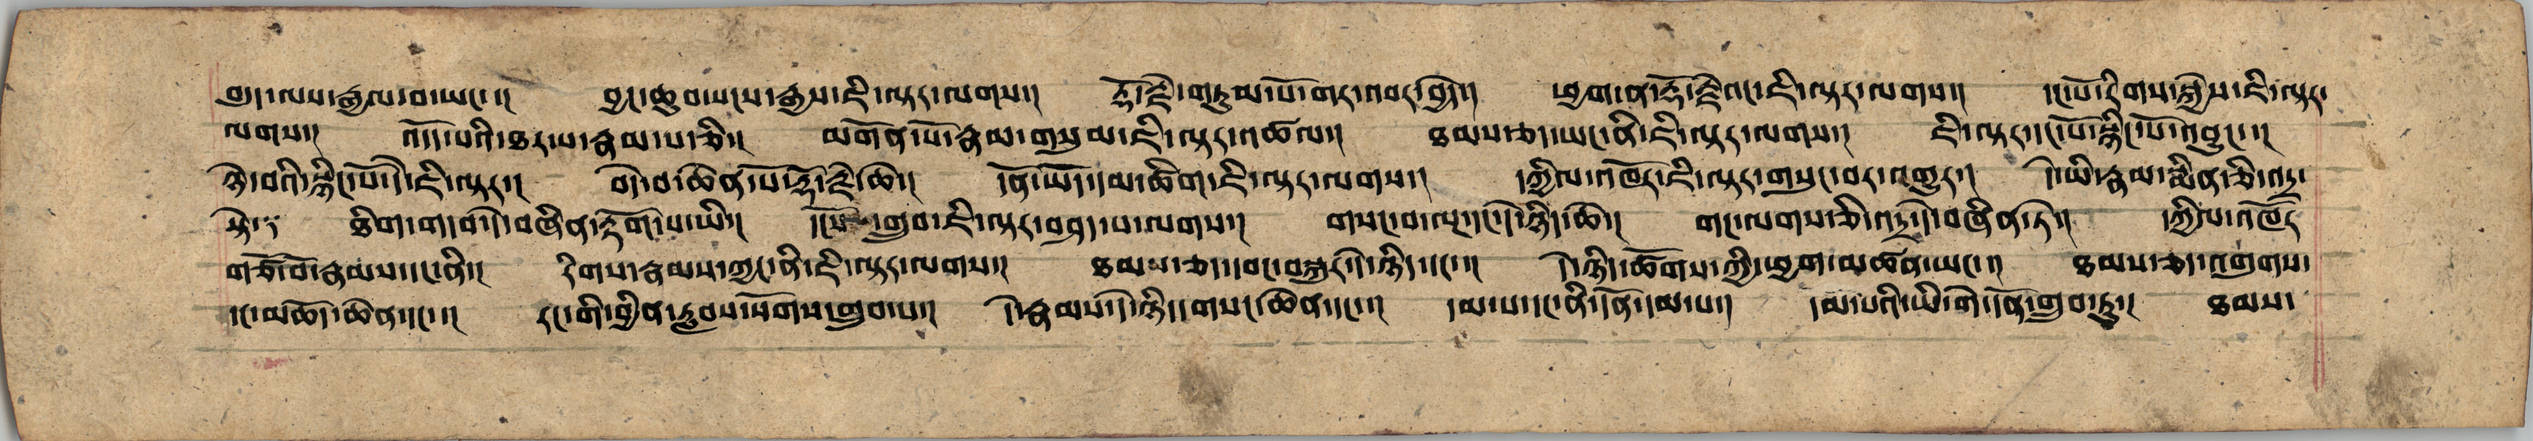བདུད་ལས་རྒྱལ་བ་ཡང་་། བྱང་ཆུབ་སངས་རྒྱས་ཇི་ལྟར་ལགས་། རྡོ་རྗེ་གཏུམ་པོ་གར་འབར་བྱེད་། ཕྱག་ན་རྡོ་རྗེའང་ཇི་ལྟར་ལགས་། དང་པོ་རིགས་སྐྱེས་ཇི་ལྟར་
ལགས་། འདོད་པའི་ཐར་པ་རྣམ་པ་ཅི་། མགོན་པོ་རྣམ་གསུམ་ཇི་ལྟར་འཚལ་། ཐམས་ཅད་ཡང་ནི་ཇི་ལྟར་ལགས་། ཇི་ལྟར་དང་པོ་སྙིང་པོ་འབྱུང་།
ཉེ་བའི་སྙིང་པོ་དེ་ཇི་ལྟར་། བདེ་བ་ཆེན་པོ་རྡོ་རྗེ་ཆེ་། དོན་ཡོད་དམ་ཚིག་ཇི་ལྟར་ལགས་། དཀྱིལ་འཁོར་ཇི་ལྟར་གསུང་བར་འགྱུར་། དེ་ཡི་རྣམ་སྨིན་ཅི་འདྲ་
སྟེ༑ ཐིག་གདབ་དེ་བཞིན་རྟོག་པ་ཡི་། དངོས་གྲུབ་ཇི་ལྟར་བཤད་པ་ལགས་། གསང་བ་ལྔ་དང་དེ་ཉིད་ཆེ་། གང་ལགས་ཅི་འདྲ་དེ་བཞིན་ཏེ་། དཀྱིལ་འཁོར་
གཙོ་བོ་རྣམས་དང་ནི་། རིགས་རྣམས་ཀྱང་ནི་ཇི་ལྟར་ལགས་། ཐམས་ཅད་དབང་བསྐུར་དེ་ཉིད་དང་་། དེ་ཉིད་ཚོགས་ཀྱི་ཕྱག་མཚན་ཡང་་། ཐམས་ཅད་འགུགས་
དང་མཆོད་ཆེན་དང་་། རང་གི་བྱིན་བརླབས་སོགས་གྲུབ་པ་། དེ་རྣམས་དེ་ཉིད་གསང་ཆེན་དང་་། དམ་པ་དང་ནི་དོན་དམ་པ་། དམ་པའི་ཡི་གེ་དོན་གྲུབ་ཏུ་། ཐམས་